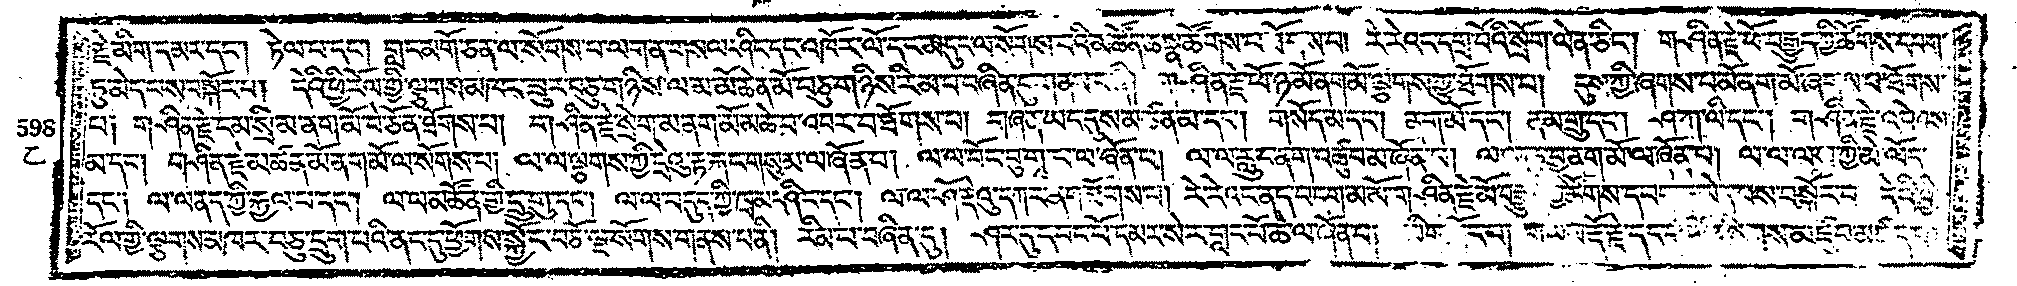རྗེ་མིག་དམར་དང་། ཏེལ་པ་དང་། གླང་མགོ་ཅན་ལ་སོགས་པ་ལག་ན་གསལ་ཤིང་དང་འཁོར་ལོ་དང་མདུང་ལ་སོགས་པའི་མཚོན་ཆ་སྣ་ཚོགས་པ་ཐོགས་པ། རེ་རེའང་དགྲ་བོའི་སྲོག་ལེན་ཅིང་། གཤིན་རྗེ་ཕོ་བརྒྱུད་ཀྱི་ཚོགས་དཔག་
ཏུ་མེད་པས་བསྐོར་པ། དེའི་ཕྱི་རོལ་གྱི་ལྕགས་མཁར་ཟུར་བཅུ་གཉིས་ལ་མ་མོ་ཆེན་མོ་བཅུ་གཉིས་རིམ་པ་བཞིན་དུ་གནས་པ་ནི། གཤིན་རྗེ་ཕོ་ཉ་མོ་ནག་མོ་ལྕགས་ཀྱུ་ཐོགས་པ། དུས་ཀྱི་ཞགས་པ་མོ་ནག་མོ་ཞགས་པ་ཐོགས་
པ༑ གཤིན་རྗེ་དམ་སྲི་མ་ནག་མོ་བེ་ཅོ་ན་ཐོགས་པ། གཤིན་རྗེ་སྲེག་མ་ནག་མོ་མཆེ་བ་འབར་བ་ཐོགས་པ། གཞན་ཡང་དུས་མཚན་མ་དང་། གསོད་མ་དང་། ནག་མོ་དང་། ནམ་གྲུ་དང་། ཤ་ཀ་ལི་དང་། གཤིན་རྗེ་འབེབས་
མ་དང་། གཤིན་རྗེ་མཚན་མོ་ནག་མོ་ལ་སོགས་པ། ལ་ལ་ལྕགས་ཀྱི་དྲེའུ་རྟ་རྐང་གསུམ་ལ་ཞོན་པ། ལ་ལ་བོང་བུ་གྭ་པ་ལ་ཞོན་པ། ལ་ལ་རླུང་ནག་འཚུབ་མ་ཞོན་པ། ལ་ལ་རྒྱ་བྱ་ནག་མོ་ལ་པ། ལ་ལ་རླུང་ནག་འཚུབ་མ་ཞོན་པ། ལ་ལ?་ཏུ་བྱ་ནག་མོ་ལ་
དང༑ ལ་ལ་ནད་ཀྱི་རྐྱལ་པ་དང་། ལ་ལ་མཚོན་གྱི་དྲུ་གུ་དང་། ལ་ལ་བདུད་ཀྱི་ཁྲམ་ཤིང་དང་། ལ་ལ་ཤོ་རྡེའུ་དཀར་ནག་ཐོགས་པ། རེ་རེའང་ནད་བདག་མ་མོ་གཤིན་རྗེ་མོ་བརྒྱུད་ཀྱི་ཚོགས་དཔག་ཏུ་མེད་པས་བསྐོར་བ་དེའི་ཕྱི་
རོལ་གྱི་ལྕགས་མཁར་བཅུ་དྲུག་པའི་ནང་དུ་ཕྱོགས་སྐྱོང་བཅོ་ལྔ་སོགས་གནས་པ་ནི། རིམ་པ་བཞིན་དུ། ཤར་དུ་དབང་པོ་དམར་སེར་གླང་པོ་ཆེ་ལ་ཞོན་པ། ཡིག་སྦྱོང་པ། གཡས་རྡོ་རྗེ་དང་གཡོན་སྡིགས་མཛུབ་མཛད་པ།